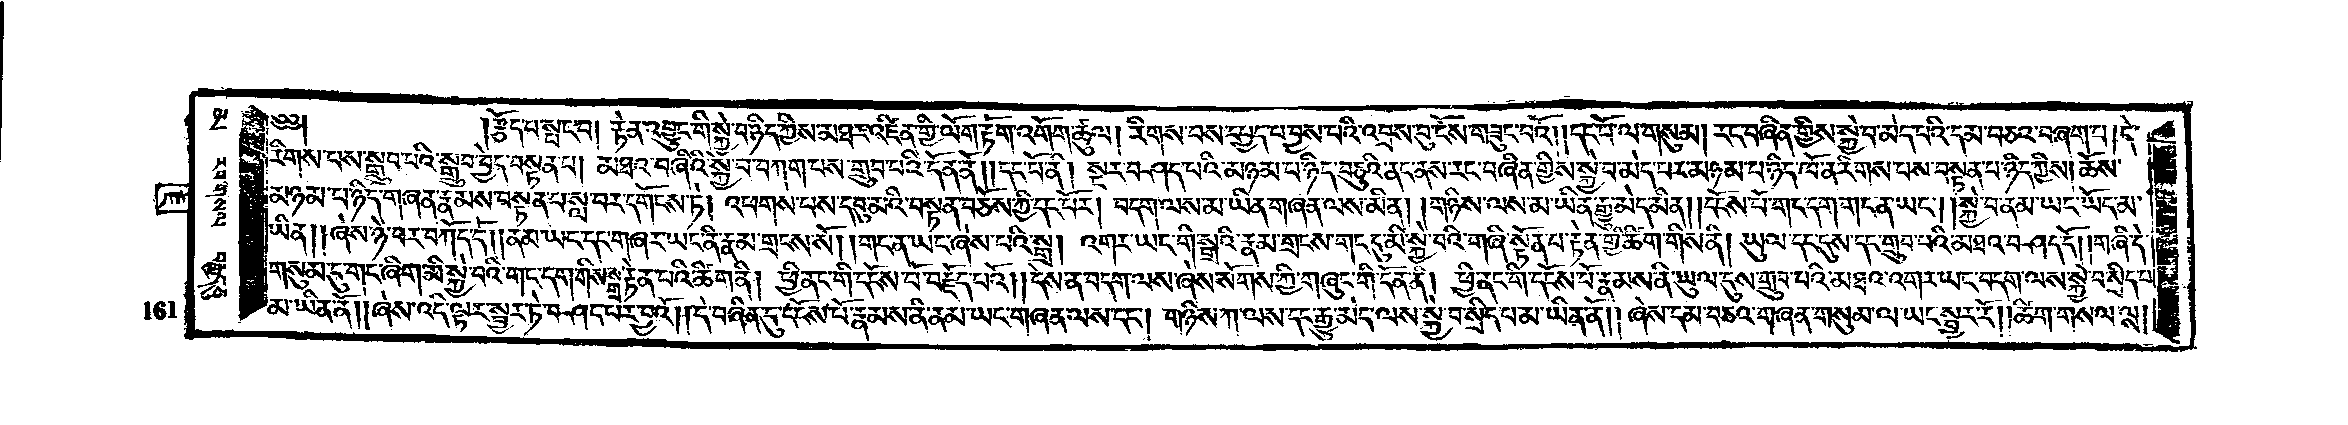༄༅། །རྩོད་པ་སྤང་བ། རྟེན་འབྱུང་གི་སྐྱེ་བ་ཉིད་ཀྱིས་མཐར་འཛིན་གྱི་ལོག་རྟོག་འགོག་ཚུལ། རིགས་པས་དཔྱད་པ་བྱས་པའི་འབྲས་བུ་ངོས་གཟུང་བའོ། །དང་པོ་ལ་གསུམ། རང་བཞིན་གྱིས་སྐྱེ་བ་མེད་པའི་དམ་བཅའ་བཞག་པ། དེ་
རིགས་པས་སྒྲུབ་པའི་སྒྲུབ་བྱེད་བསྟན་པ། མཐའ་བཞིའི་སྐྱེ་བ་བཀག་པས་གྲུབ་པའི་དོན་ནོ། །དང་པོ་ནི། སྔར་བཤད་པའི་མཉམ་པ་ཉིད་བཅུའི་ནང་ནས་རང་བཞིན་གྱིས་སྐྱེ་བ་མེད་པར་མཉམ་པ་ཉིད་ཁོ་ན་རིགས་པས་བསྟན་པ་ཉིད་ཀྱིས། ཆོས་
མཉམ་པ་ཉིད་གཞན་རྣམས་བསྟན་པ་སླ་བར་དགོངས་ཏེ། འཕགས་པས་དབུ་མའི་བསྟན་བཅོས་ཀྱི་དང་པོར། བདག་ལས་མ་ཡིན་གཞན་ལས་མིན། །གཉིས་ལས་མ་ཡིན་རྒྱུ་མེད་མིན། །དངོས་པོ་གང་དག་གང་ན་ཡང་། །སྐྱེ་བ་ནམ་ཡང་ཡོད་མ་
ཡིན། །ཞེས་ཉེ་བར་བཀོད་དོ། །ནམ་ཡང་དང་གཞར་ཡང་ནི་རྣམ་གྲངས་སོ། །གང་ན་ཡང་ཞེས་པའི་སྒྲ། འགར་ཡང་གི་སྒྲའི་རྣམ་གྲངས་གང་དུ་མི་སྐྱེ་བའི་གཞི་སྟོན་པ་རྟེན་གྱི་ཚིག་གིས་ནི། ཡུལ་དང་དུས་དང་གྲུབ་པའི་མཐའ་བཤད་དོ། །གཞི་དེ་
གསུམ་དུ་གང་ཞིག་མི་སྐྱེ་བའི་གང་དག་གིས་སྒྲ་རྟེན་པའི་ཚིག་ནི། ཕྱི་ནང་གི་དངོས་པོ་བརྗོད་པའོ། །དེས་ན་བདག་ལས་ཞེས་སོགས་ཀྱི་གཞུང་གི་དོན་ནི། ཕྱི་ནང་གི་དངོས་པོ་རྣམས་ནི་ཡུལ་དུས་གྲུབ་པའི་མཐའ་འགར་ཡང་བདག་ལས་སྐྱེ་བ་སྲིད་པ་
མ་ཡིན་ནོ། །ཞེས་འདི་ལྟར་སྦྱར་ཏེ་བཤད་པར་བྱའོ། །དེ་བཞིན་དུ་དངོས་པོ་རྣམས་ནི་ནམ་ཡང་གཞན་ལས་དང་། གཉིས་ཀ་ལས་དང་རྒྱུ་མེད་ལས་སྐྱེ་བ་སྲིད་པ་མ་ཡིན་ནོ། །ཞེས་དམ་བཅའ་གཞན་གསུམ་ལ་ཡང་སྦྱར་རོ། །ཚིག་གསལ་ལས།